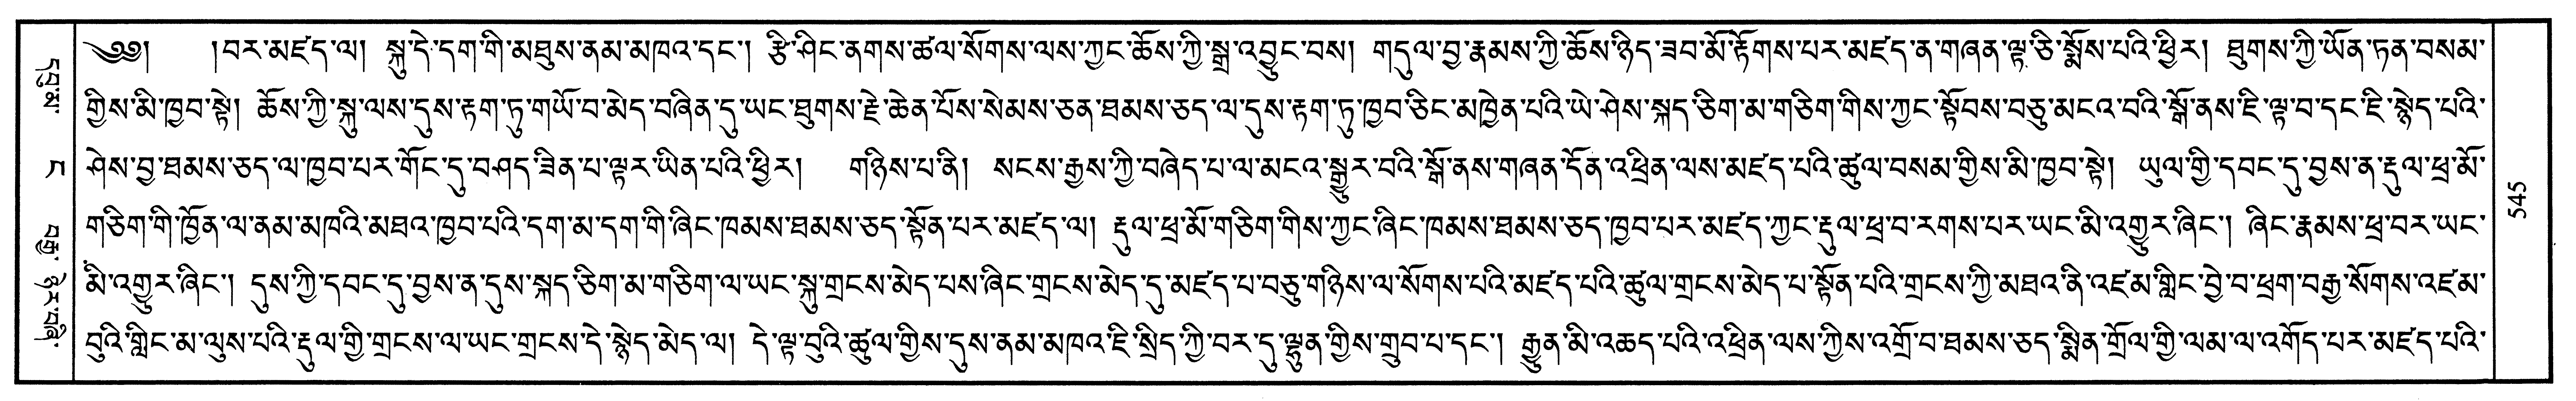༄༅། །བར་མཛད་ལ། སྐུ་དེ་དག་གི་མཐུས་ནམ་མཁའ་དང་། རྩི་ཤིང་ནགས་ཚལ་སོགས་ལས་ཀྱང་ཆོས་ཀྱི་སྒྲ་འབྱུང་བས། གདུལ་བྱ་རྣམས་ཀྱི་ཆོས་ཉིད་ཟབ་མོ་རྟོགས་པར་མཛད་ན་གཞན་ལྟ་ཅི་སྨོས་པའི་ཕྱིར། ཐུགས་ཀྱི་ཡོན་ཏན་བསམ་
གྱིས་མི་ཁྱབ་སྟེ། ཆོས་ཀྱི་སྐུ་ལས་དུས་རྟག་ཏུ་གཡོ་བ་མེད་བཞིན་དུ་ཡང་ཐུགས་རྗེ་ཆེན་པོས་སེམས་ཅན་ཐམས་ཅད་ལ་དུས་རྟག་ཏུ་ཁྱབ་ཅིང་མཁྱེན་པའི་ཡེ་ཤེས་སྐད་ཅིག་མ་གཅིག་གིས་ཀྱང་སྟོབས་བཅུ་མངའ་བའི་སྒོ་ནས་ཇི་ལྟ་བ་དང་ཇི་སྙེད་པའི་
ཤེས་བྱ་ཐམས་ཅད་ལ་ཁྱབ་པར་གོང་དུ་བཤད་ཟིན་པ་ལྟར་ཡིན་པའི་ཕྱིར། གཉིས་པ་ནི། སངས་རྒྱས་ཀྱི་བཞེད་པ་ལ་མངའ་སྒྱུར་བའི་སྒོ་ནས་གཞན་དོན་འཕྲིན་ལས་མཛད་པའི་ཚུལ་བསམ་གྱིས་མི་ཁྱབ་སྟེ། ཡུལ་གྱི་དབང་དུ་བྱས་ན་རྡུལ་ཕྲ་མོ་
གཅིག་གི་ཁྱོན་ལ་ནམ་མཁའི་མཐའ་ཁྱབ་པའི་དག་མ་དག་གི་ཞིང་ཁམས་ཐམས་ཅད་སྟོན་པར་མཛད་ལ། རྡུལ་ཕྲ་མོ་གཅིག་གིས་ཀྱང་ཞིང་ཁམས་ཐམས་ཅད་ཁྱབ་པར་མཛད་ཀྱང་རྡུལ་ཕྲ་བ་རགས་པར་ཡང་མི་འགྱུར་ཞིང་། ཞིང་རྣམས་ཕྲ་བར་ཡང་
མི་འགྱུར་ཞིང་། དུས་ཀྱི་དབང་དུ་བྱས་ན་དུས་སྐད་ཅིག་མ་གཅིག་ལ་ཡང་སྐུ་གྲངས་མེད་པས་ཞིང་གྲངས་མེད་དུ་མཛད་པ་བཅུ་གཉིས་ལ་སོགས་པའི་མཛད་པའི་ཚུལ་གྲངས་མེད་པ་སྟོན་པའི་གྲངས་ཀྱི་མཐའ་ནི་འཛམ་གླིང་བྱེ་བ་ཕྲག་བརྒྱ་སོགས་འཛམ་
བུའི་གླིང་མ་ལུས་པའི་རྡུལ་གྱི་གྲངས་ལ་ཡང་གྲངས་དེ་སྙེད་མེད་ལ། དེ་ལྟ་བུའི་ཚུལ་གྱིས་དུས་ནམ་མཁའ་ཇི་སྲིད་ཀྱི་བར་དུ་ལྷུན་གྱིས་གྲུབ་པ་དང་། རྒྱུན་མི་འཆད་པའི་འཕྲིན་ལས་ཀྱིས་འགྲོ་བ་ཐམས་ཅད་སྨིན་གྲོལ་གྱི་ལམ་ལ་འགོད་པར་མཛད་པའི་